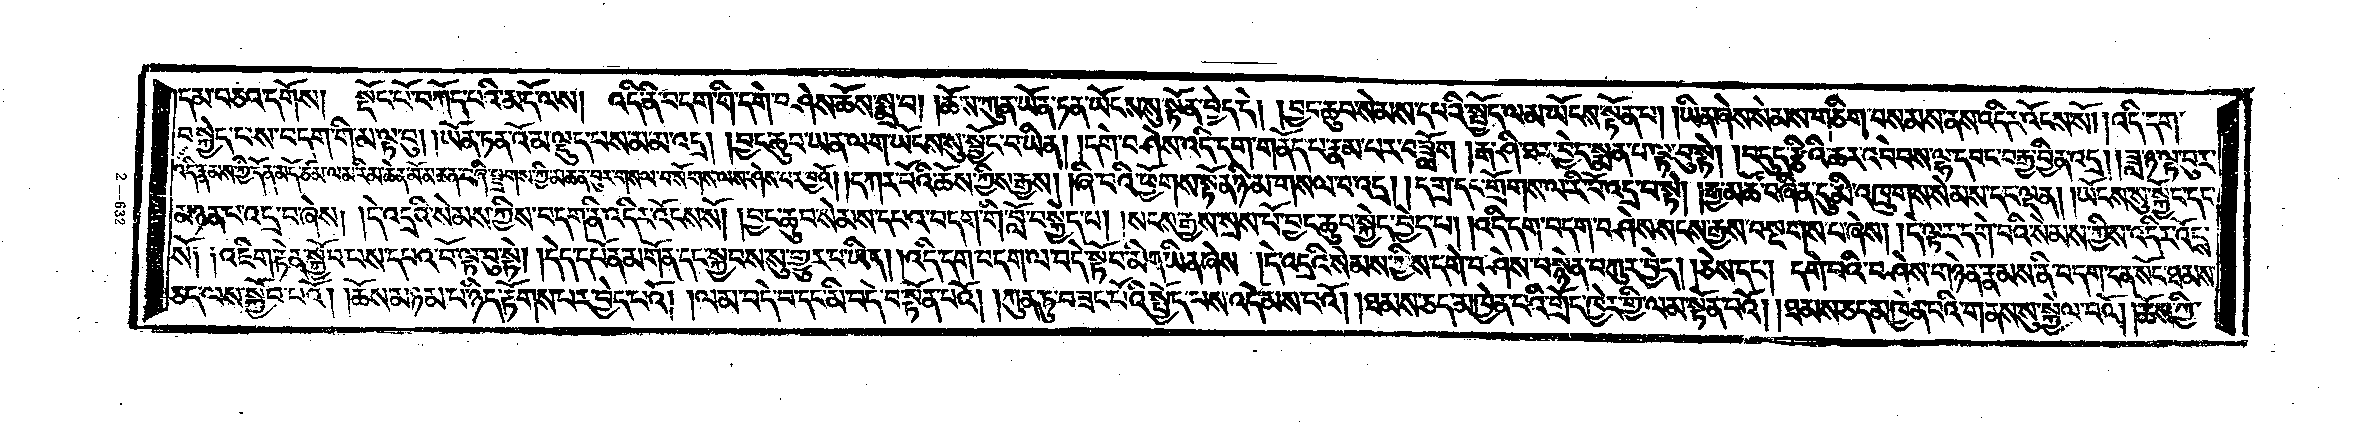དམ་བཅའ་དགོས། སྡོང་པོ་བཀོད་པའི་མདོ་ལས། འདི་ནི་བདག་གི་དགེ་བཤེས་ཆོས་སྨྲ་བ། །ཆོས་ཀུན་ཡོན་ཏན་ཡོངས་སུ་སྟོན་བྱེད་དེ། །བྱང་ཆུབ་སེམས་དཔའི་སྤྱོད་ལམ་ཡོངས་སྟོན་པ། །ཡིན་ཞེས་སེམས་གཅིག་བསམས་ནས་འདིར་འོངས་སོ། འདི་དག་
འདི་རྣམས་ཀྱི་དོན་མདོ་ཙམ་ལམ་རིན་ཆེན་མོ་མཆན་བཞི་སྦྲགས་ཀྱི་གསལ་བ་སོགས་ལས་ཤེས་པར་བྱའོ།  བསྐྱེད་པས་བདག་གི་མ་ལྟ་བུ། །ཡོན་ཏན་འོ་མ་ལྡུད་པས་མ་མ་འདྲ། །བྱང་ཆུབ་ཡན་ལག་ཡོངས་སུ་སྦྱོང་པ་ཡིན། །དགེ་བཤེས་འདི་དག་གནོད་པ་རྣམ་པར་བཟློག །རྒ་ཤི་ཐར་བྱེད་སྨན་པ་ལྟ་བུ་སྟེ། །བདུད་རྩིའི་ཆར་འབེབས་ལྷ་དབང་བརྒྱ་བྱིན་འདྲ། །ཟླ་ཉ་ལྟ་བུར་
།དཀར་པོའི་ཆོས་ཀྱིས་རྒྱས། །ཞི་བའི་ཕྱོགས་སྟོན་ཉི་མ་གསལ་བ་འདྲ། །དགྲ་དང་གྲོགས་ལ་རི་བོ་འདྲ་བ་སྟེ། །རྒྱ་མཚོ་བཞིན་དུ་མི་འཁྲུགས་སེམས་དང་ལྡན། །ཡོངས་སུ་སྐྱོང་དང་
མཉན་པ་འདྲ་བ་ཞེས། །དེ་འདྲའི་སེམས་ཀྱིས་བདག་ནི་འདིར་འོངས་སོ། །བྱང་ཆུབ་སེམས་དཔའ་བདག་གི་བློ་བསྐྱེད་པ། །སངས་རྒྱས་སྲས་པོ་བྱང་ཆུབ་བསྐྱེད་བྱེད་པ། །འདི་དག་བདག་བཤེས་སངས་རྒྱས་བསྔགས་པ་ཞེས། །དེ་ལྟར་དགེ་བའི་སེམས་ཀྱིས་འདིར་འོངས་
སོ༑ ༑འཇིག་རྟེན་སྐྱོབ་པས་དཔའ་བོ་ལྟ་བུ་སྟེ། །དེད་དཔོན་མགོན་དང་སྐྱབས་སུ་གྱུར་པ་ཡིན། །འདི་དག་བདག་ལ་བདེ་སྟོབ་མིག་ཡིན་ཞེས་།དེ་འདྲའི་སེམས་ཀྱིས་དགེ་བཤེས་བསྙེན་བཀུར་བྱེད། །ཅེས་དང་། དགེ་བའི་བཤེས་གཉེན་རྣམས་ནི་བདག་ངན་སོང་ཐམས་
ཅད་ལས་སྐྱོབ་པའོ། །ཆོས་མཉམ་པ་ཉིད་རྟོགས་པར་བྱེད་པའོ། །ལམ་བདེ་བ་དང་མི་བདེ་བ་སྟོན་པའོ། །ཀུན་ཏུ་བཟང་པོའི་སྤྱོད་པས་འདོམས་པའོ། །ཐམས་ཅད་མཁྱེན་པའི་གྲོང་ཁྱེར་གྱི་ལམ་སྟོན་པའོ། །ཐམས་ཅད་མཁྱེན་པའི་གནས་སུ་སྐྱེལ་བའོ། །ཆོས་ཀྱི་